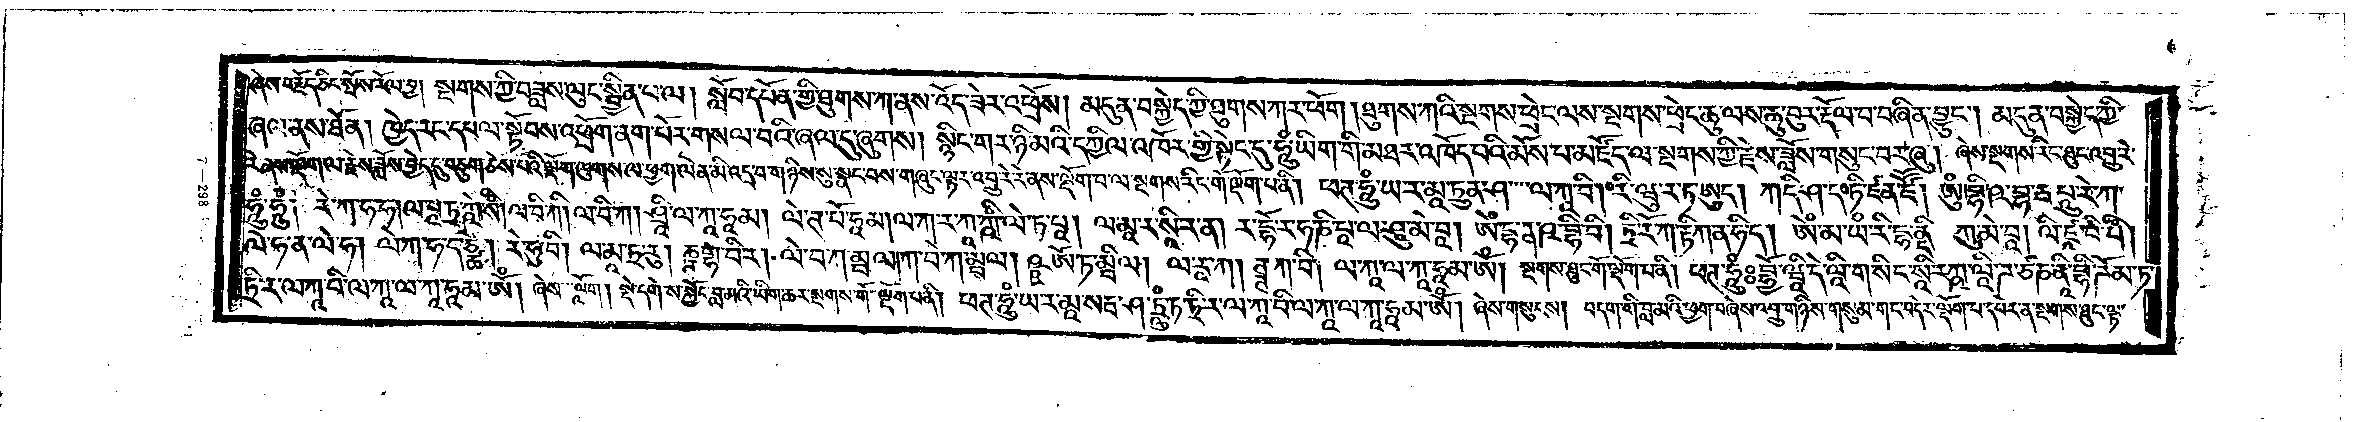ཞེས་བརྗོད་ཅིང་སྤོས་རོལ་བྱ། སྔགས་ཀྱི་བཟླས་ལུང་སྦྱིན་པ་ལ། སློབ་དཔོན་གྱི་ཐུགས་ཀ་ནས་འོད་ཟེར་འཕྲོས། མདུན་བསྐྱེད་ཀྱི་ཐུགས་ཀར་ཕོག །ཐུགས་ཀའི་སྔགས་ཕྲེང་ལས་སྔགས་ཕྲེང་ཆུ་ལས་ཆུ་བུར་རྡོལ་བ་བཞིན་བྱུང་། མདུན་བསྐྱེད་ཀྱི་
ཞལ་ནས་ཐོན། ཁྱེད་རང་དཔལ་སྟོབས་འཕྲོག་ནག་པོར་གསལ་བའི་ཞལ་དུ་ཞུགས། སྙིང་གར་ཉི་མའི་དཀྱིལ་འཁོར་གྱི་སྟེང་དུ་ཧཱུཾ་ཡིག་གི་མཐར་འཁོད་པའི་མོས་པ་མཛོད་ལ་སྔགས་ཀྱི་རྗེས་ཟློས་གསུང་བར་ཞུ། ཞེས་སྔགས་རིང་ཐུང་འཕྲུར་
ནས་ལྡོག་ལ་རྗེས་ཟློས་བྱེད་དུ་བཅུག་ཅེས་པའི་ལྡོག་ལུགས་ལ་ཕྱག་ལེན་མི་འདྲ་བ་གཉིས་སུ་སྣང་པས་གཞུང་ལྟར་འབྲུ་རེ་རེ་ནས་ལྡོག་པ་ལ་སྔགས་རིང་གོ་ལྡོག་པ་ནི། ཕཊ་ཧཱུཾ་ཡ་ར་མཱ་ཏྲུན་ཤ་ལ་ཀཱ་པི། རིཾ་ཝུ་ར་ཏ་ཨུད། ཀ་དི་ཤ་དཾ་ཏི་ཛ་ན་ཛཽ། ཨུཾ་བྷིཥ། བྷ་རྦ་པཱུ་རེ་ཀ་
ཧཱུཾ། རེ་ཀ་ཧ་ཧ། ལ་པཱ་ཏྲ་ཀྵེ་སིཾ། ལ་བི་ཀི། ལ་བི་ཀ། ཤྲཱི་ལ་ཀཱ་ཧཱ་མ། ལེ་ཊ་བོ་ཧཱ་མ། ལ་ཀ་ར་ཀཱ་ཀཥིཾ་ལེ་ཏ་པཱ། ལ་མཱ་ར་སཱི་ར་ན། ར་དྷོ་ར་ཧ་ཎི་པཱ་ལ་ཤཱུ་མེ་བཱ། ཨེཾ་དྷ་ན་ཤ་བྷི་བི། ཏྲི་རོ་ཀ་ན་ཧི་ད། ཨེཾ་མ་ཡཾ་རི་དྷནྡི། ཀུ་མེ་བཱ། ལི་ཛཱ་བི་པིཾ།
བེ་ཧ་ན་ལེ་ཧ། ལེ་ཀ་ཧ་ད་ཙྪེ། རེ་ཧུ་བི། ལ་མཱ་ཏྲ་རུ། ཎྜགྷ་བི་ར། ལེ་བ་ཀ་མྦ་ལ། ཀ་བེ་ཀ་མྦ་ལ། ཥཊཿཨ་ཨོ་ཏ་མྦི་ལ། ལ་རཱ་ཀ། ཊྚ་ཀ་པི། ལ་ཀཱ་ལ་ཀཱ་ཧཱ་མ་ཨོཾ། སྔགས་ཐུང་གོ་ལྡོག་པ་ནི།  ཕཊ་ཧཱུཾཿ བྷྱོ་ཝཱི་དེ་ལཱི་ག་སིང་སཱི་རཀྵ་ལཱི་ཌ་ཙཎ་ནཱི་བྷི་ཌོ་མ་ཏ་
ར་ལ་ཀཱ་བི་ལ་ཀཱ་ལ་ཧཱ་མ་ཨོཾ། ཞེས་ལྡོག །སྡེ་དགེ་ས་སྐྱོང་བླ་མའི་ཡིག་ཆར་སྔགས་གོ་ལྡོག་པ་ནི།  ཕཊ་ཧཱུཾ་ཡ་ར་མཱ་སརྦ་ཤ་ཏྲཱུཾ་ཏ་ཏྲི་ར་ལ་ཀཱ་བི་ལ་ཀཱ་ལ་ཀཱ་ཧཱ་མ་ཨོཾ་།ཞེས་གསུངས། བདག་གི་བླ་མའི་ཕྱག་བཞེས་འབྲུ་གཉིས་གསུམ་གང་བདེར་ལྡོག་པ་དཔེར་ན་སྔགས་ཐུང་ལྟ་